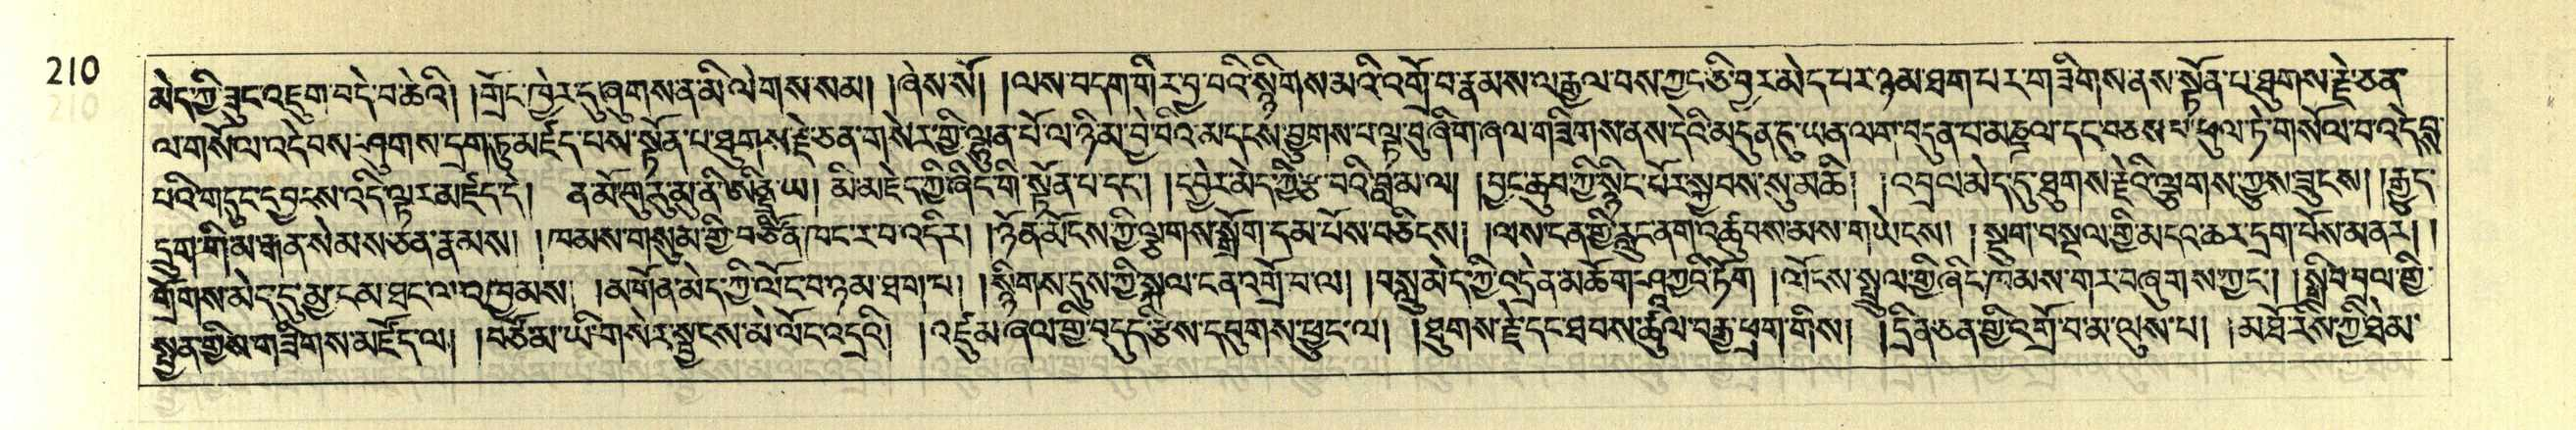མེད་ཀྱི་ཟུང་འཇུག་བདེ་བ་ཆེའི། །གྲོང་ཁྱེར་དུ་ཞུགས་ན་མི་ལེགས་སམ། །ཞེས་སོ། །ལས་བདག་གིར་བྱ་བའི་སྙིགས་མའི་འགྲོ་བ་རྣམས་ལ་རྒྱལ་བས་ཀྱང་ཅི་བྱར་མེད་པར་ཉམ་ཐག་པར་གཟིགས་ནས་སྟོན་པ་ཐུགས་རྗེ་ཅན་
ལ་གསོལ་འདེབས་ཤུགས་དྲག་ཏུ་མཛད་པས་སྟོན་པ་ཐུགས་རྗེ་ཅན་གསེར་གྱི་ལྷུན་པོ་ལ་ཉི་མ་བྱེ་བའི་མདངས་བྱུགས་པ་ལྟ་བུ་ཞིག་ཞལ་གཟིགས་ནས་དེའི་མདུན་དུ་ཡན་ལག་བདུན་བ་མཎྜལ་དང་བཅས་པ་ཕུལ་ཏེ་གསོལ་བ་འདེབས་
པའི་གདུང་དབྱངས་འདི་ལྟར་མཛད་དེ། ན་མོ་གུ་རུ་མུ་ནི་ཨཻནྡྲ་ཡ། མི་མཇེད་ཀྱི་ཞིང་གི་སྟོན་པ་དང་། །དབྱེར་མེད་ཀྱི་རྩ་བའི་བླ་མ་ལ། །བྱང་ཆུབ་ཀྱི་སྙིང་པོར་སྐྱབས་སུ་མཆི། །འབྲལ་མེད་དུ་ཐུགས་རྗེའི་ལྕགས་ཀྱུས་ཟུངས། །རྒྱུད་
དྲུག་གི་མ་རྒན་སེམས་ཅན་རྣམས། །ཁམས་གསུམ་གྱི་བཙོན་ཁང་ར་བ་འདིར། །ཉོན་མོངས་ཀྱི་ལྕགས་སྒྲོག་དམ་པོས་བཅིངས། །ལས་ངན་གྱི་རླུང་ནག་འཚུབས་མས་གཡེངས། །སྡུག་བསྔལ་གྱི་མདའ་ཆར་དྲག་པོས་མནར། །
གྲོགས་མེད་དུ་མྱ་ངམ་ཐང་ལ་འཁྱམས། །མགོན་མེད་ཀྱི་ལོང་བ་ཉམ་ཐག་པ། །སྙིགས་དུས་ཀྱི་སྐལ་ངན་འགྲོ་བ་ལ། །བསླུ་མེད་ཀྱི་འདྲེན་མཆོག་ཤཱཀྱའི་ཏོག །ལོངས་སྤྲུལ་གྱི་ཞིང་ཁམས་གར་བཞུགས་ཀྱང་། །སྒྲིབ་བྲལ་གྱི་
སྤྱན་གྱིས་གཟིགས་མཛོད་ལ། །བཙོམ་ཡི་གསེར་སྦྱངས་མེ་ལོང་འདྲའི། །འཛུམ་ཞལ་གྱི་བདུད་རྩིས་དབུགས་ཕྱུང་ལ། །ཐུགས་རྗེ་དང་ཐབས་ཚུལ་བརྒྱ་ཕྲག་གིས། །དྲིན་ཅན་གྱི་འགྲོ་བ་མ་ལུས་པ། །མཐོ་རིས་ཀྱི་ཐེམ་